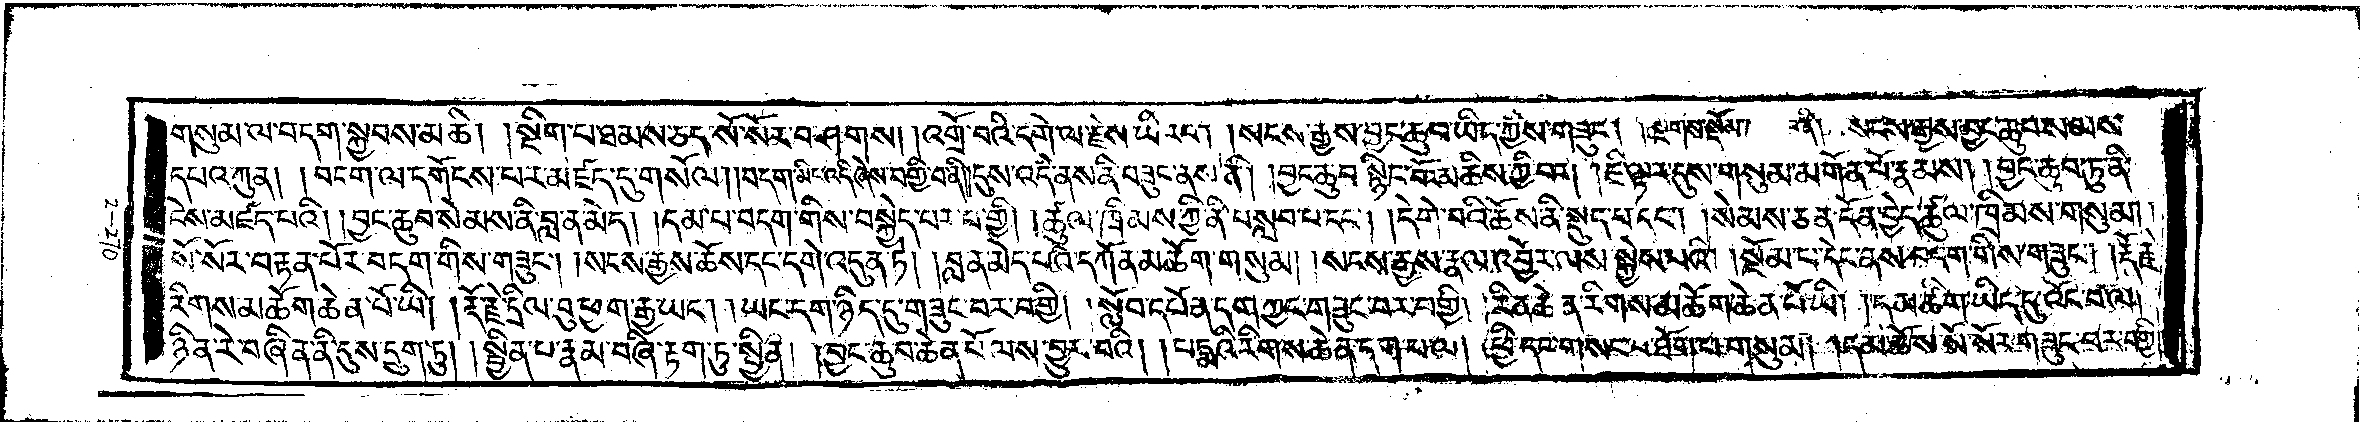གསུམ་ལ་བདག་སྐྱབས་མཆི། །སྡིག་པ་ཐམས་ཅད་སོ་སོར་བཤགས། །འགྲོ་བའི་དགེ་ལ་རྗེས་ཡི་རང་། །སངས་རྒྱས་བྱང་ཆུབ་ཡིད་ཀྱིས་གཟུང་། །སྔགས་སྡོམ་པ་ནི། སངས་རྒྱས་བྱང་ཆུབ་སེམས་
དཔའ་ཀུན། །བདག་ལ་དགོངས་པར་མཛད་དུ་གསོལ། །བདག་མིང་འདི་ཞེས་བགྱི་བ་ནི། །དུས་འདི་ནས་ནི་བཟུང་ནས་ནི། །བྱང་ཆུབ་སྙིང་པོར་མཆིས་ཀྱི་བར། །ཇི་ལྟར་དུས་གསུམ་མགོན་པོ་རྣམས། །བྱང་ཆུབ་ཏུ་ནི་
ངེས་མཛད་པའི། །བྱང་ཆུབ་སེམས་ནི་བླ་ན་མེད། །དམ་པ་བདག་གིས་བསྐྱེད་པར་བ་གྱི། །ཚུལ་ཁྲིམས་ཀྱི་ནི་བསླབ་པ་དང་། །དགེ་བའི་ཆོས་ནི་སྡུད་པ་དང་། །སེམས་ཅན་དོན་བྱེད་ཚུལ་ཁྲིམས་གསུམ། །
སོ་སོར་བརྟན་པོར་བདག་གིས་བཟུང་། །སངས་རྒྱས་ཆོས་དང་དགེ་འདུན་ཏེ། །བླ་ན་མེད་པའི་དཀོན་མཆོག་གསུམ། །སངས་རྒྱས་རྣལ་འབྱོར་ལས་སྐྱེས་པའི། །སྡོམ་པ་དེང་ནས་བདག་གིས་གཟུང་། །རྡོ་རྗེ་
རིགས་མཆོག་ཆེན་པོ་ཡི། །རྡོ་རྗེ་དྲིལ་བུ་ཕྱག་རྒྱ་ཡང་། །ཡང་དག་ཉིད་དུ་གཟུང་བར་བགྱི། །སློབ་དཔོན་དག་ཀྱང་གཟུང་བར་བགྱི། །རིན་ཆེན་རིགས་མཆོག་ཆེན་པོ་ཡི། །དམ་ཚིག་ཡིད་དུ་འོང་བ་ལ།
ཉིན་རེ་བཞིན་ནི་དུས་དྲུག་ཏུ། །སྦྱིན་པ་རྣམ་བཞི་རྟག་ཏུ་སྦྱིན། །བྱང་ཆུབ་ཆེན་པོ་ལས་བྱུང་བའི། །པདམའི་རིགས་ཆེན་དག་པ་ལ། །ཕྱི་དང་གསང་བ་ཐོག་པ་གསུམ། །དམ་ཆོས་སོ་སོར་གཟུང་བར་བགྱི་